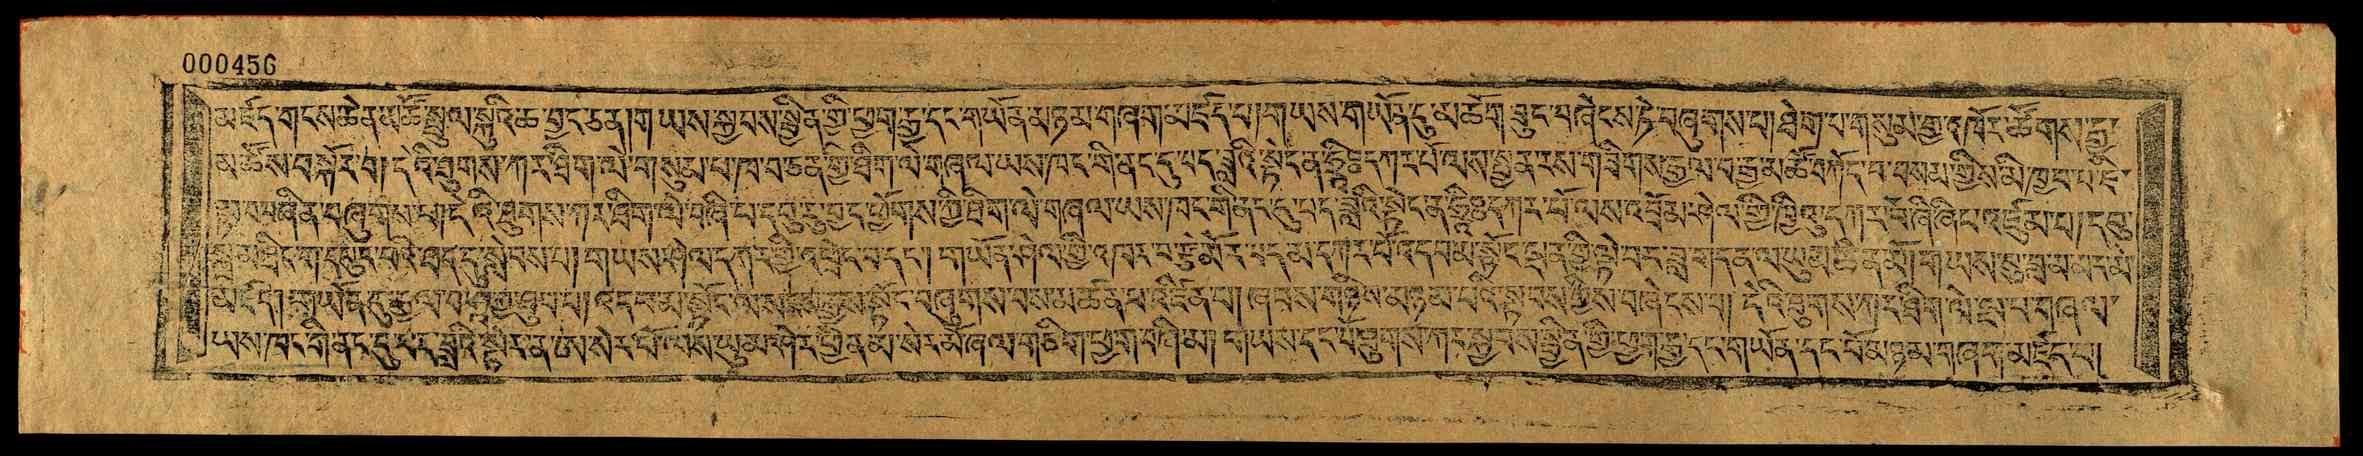མཛད་གངས་ཆེན་མཚོ་སྤྲུལ་སྐུའི་ཆ་བྱད་ཅན། གཡས་སྐྱབས་སྦྱིན་གྱི་ཕྱག་རྒྱ་དང་གཡོན་མཉམ་གཞག་མཛད་པ། གཡས་གཡོན་དུ་མཆོག་ཟུང་བཞེངས་ཏེ་བཞུགས་པ། ཐེག་པ་གསུམ་གྱི་འཁོར་ཚོགས་རྒྱ་
མཚོས་བསྐོར་བ། དེའི་ཐུགས་ཀར་ཐིག་ལེ་གསུམ་པ་ཁ་བ་ཅན་གྱི་ཐིག་ལེ་གཞལ་ཡས་ཁང་གི་ནང་དུ་པད་ཟླའི་སྟེང་ན་ཧྲཱིཿ དཀར་པོ་ལས་སྤྱན་རས་གཟིགས་རྒྱལ་བ་རྒྱ་མོ་མཚོ་བཀོད་པ་བསམ་གྱིས་མི་ཁྱབ་པ་ཇི་
ལྟ་བ་བཞིན་བཞུགས་པ། དེའི་ཐུགས་ཀར་ཐིག་ལེ་བཞི་པ་དབུ་རུ་བྱང་ཕྱོགས་ཀྱི་ཐིག་ལེ་གཞལ་ཡས་ཁང་གི་ནང་དུ་པད་ཟླའི་སྟེང་ན་ཧྲཱིཿ དཀར་པོ་ལས་འབྲོམ་ཤེལ་གྱི་ཁྱིའུ་དཀར་པོ་ཞི་ཞིང་འཛུམ་པ། དབུ་
སྐྲ་མཐིང་ག་དཔུང་པའི་ཐད་དུ་སླེབས་པ། གཡས་ཤེལ་དཀར་གྱི་འཕྲེང་བ་དང་། གཡོན་ཤེལ་གྱི་འཁར་བརྩེ་མོར་པད་མ་དཀར་པོ་འདབ་མ་སྟོང་ལྡན་གྱི་ལྟེ་བར་ཟླ་གདན་ལ་ཡུམ་ཆེན་མོ་གཡས་སུ་བླ་མ་མར་མེ་
མཛད། གཡོན་དུ་རྒྱལ་བ་ཤཱ་ཀྱ་ཐུབ་པ། འདབ་མ་སྟོང་ལ་སངས་རྒྱས་སྟོང་བཞུགས་པས་མཚན་པ་འཛིན་པ། ཞབས་གཉིས་མཉམ་པའི་སྟབས་ཀྱིས་བཞེངས་པ། དེའི་ཐུགས་ཀར་ཐིག་ལེ་ལྔ་པ་གཞལ་
ཡས་ཁང་གི་ནང་དུ་པད་ཟླའི་སྟེང་ན་ཨ་སེར་པོ་ལས་ཡུམ་ཤེར་ཕྱིན་མ་སེར་མོ་ཞལ་གཅིག་ཕྱག་བཞི་མ། གཡས་དང་པོ་ཐུགས་ཀར་སྐྱབས་སྦྱིན་གྱི་ཕྱག་རྒྱ་དང་གཡོན་དང་པོ་མཉམ་གཞག་མཛད་པ།